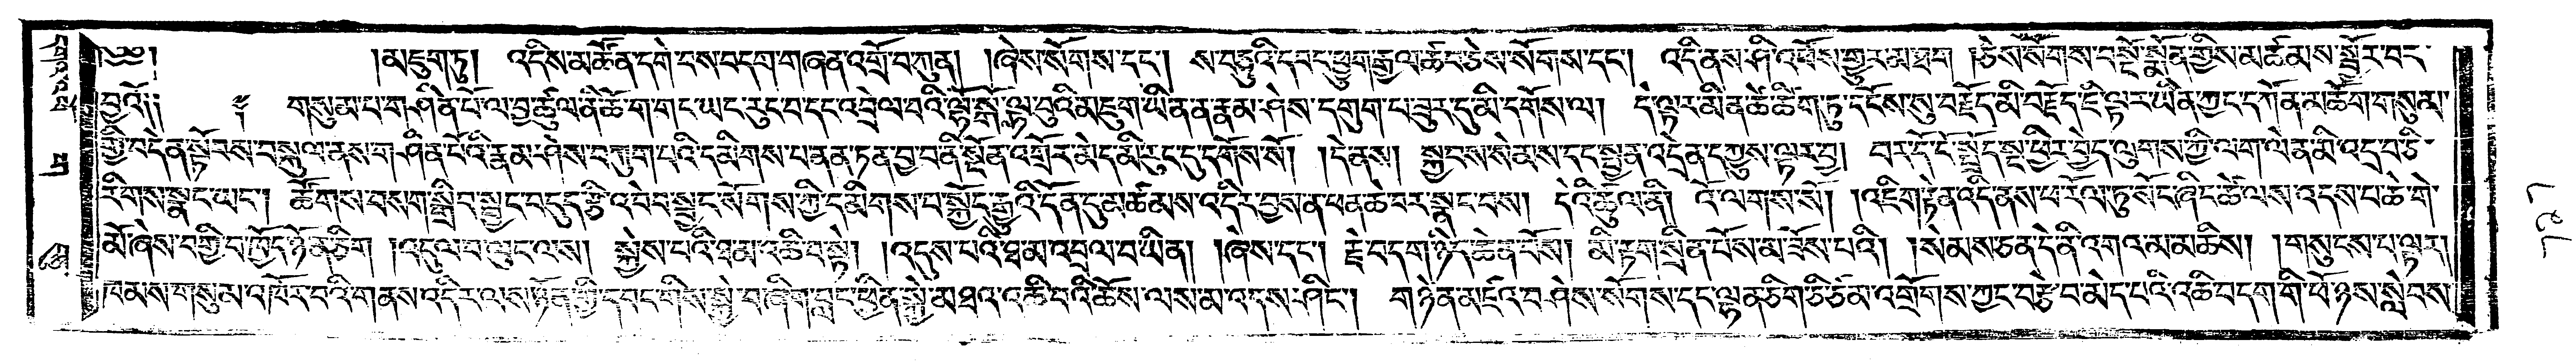༄༅། །མཇུག་ཏུ། འདིས་མཚོན་དགེ་བས་བདག་གཞན་འགྲོ་བ་ཀུན། །ཞེས་སོགས་དང་། ས་བཅུའི་དབང་ཕྱུག་རྒྱལ་ཚབ་ཅེས་སོགས་དང་། འདི་ནས་ཤི་འཕོས་གྱུར་མཐག །ཅེས་སོགས་བསྔོ་སྨོན་གྱིས་མཚམས་སྦྱོར་བར་
བྱའོ༑༑ ༈ གསུམ་པ་གཤིན་པོ་ལ་བྱ་ཚུལ་ནི་ཆོ་ག་གང་ཡང་རུང་བ་དང་འབྲེལ་བའི་ལྷོ་སྒོ་ལྟ་བུའི་མཇུག་ཡིན་ན་རྣམ་ཤེས་དགུག་པ་ཟུར་དུ་མི་དགོས་ལ། དེ་ལྟར་མིན་ཚེ་ཚིག་ཏུ་དངོས་སུ་བརྗོད་མི་བརྗོད་ཇི་ལྟར་ཡིན་ཀྱང་དཀོན་མཆོག་གསུམ་
གྱི་བདེན་སྟོབས་བསྐུལ་ནས་གཤིན་པོའི་རྣམ་ཤེས་བཀུག་བའི་དམིགས་པ་ནན་ཏན་བྱ་བ་ནི་སྔོན་འགྲོར་མེད་མི་རུང་དུ་དགོས་སོ། །དེ་ནས། སྐྱབས་སེམས་དང་སྤྱན་འདྲེན་དཀྱུས་ལྟར་བྱ། བར་དོ་ངོ་སྤྲོད་སྔ་ཕྱིར་བྱེད་ལུགས་ཀྱི་ལག་ལེན་མི་འདྲ་བ་ཅི་
རིགས་སྣང་ཡང་། ཚོགས་བསག་སྒྲིབ་སྦྱང་བདུད་རྩི་འབེབ་སྦྱང་སོགས་ཀྱི་དམིགས་པ་སྐྱོང་རྒྱུའི་དོན་དུ་མཚམས་འདིར་བྱས་ན་ཕན་ཆེ་བར་སྣང་བས། དེའི་ཚུལ་ནི། འོ་ལགས་སོ། །འཇིག་རྟེན་འདི་ནས་ཕ་རོལ་ཏུ་སོང་ཞིང་ཚེ་ལས་འདས་པ་ཆེ་གེ་
མོ་ཞེས་བགྱི་བ་ཁྱོད་ཉོན་ཅིག །འདུལ་བ་ལུང་ལས། སྐྱེས་པའི་ཐ་མ་འཆི་བ་སྟེ། །འདུས་པའི་ཐ་མ་འབྲལ་བ་ཡིན། །ཞེས་དང་། རྗེ་བདག་ཉིད་ཆེན་པོས། མི་རྟག་སྲིན་པོས་མ་ཟོས་པའི། །སེམས་ཅན་དེ་ནི་འགའ་མ་མཆིས། །གསུངས་པ་ལྟར་
ཁམས་གསུམ་འཁོར་བའི་གནས་འདིར་ལས་ཉོན་གྱི་དབང་གིས་སྐྱེ་བཞིག་བླང་ཕྱིན་སྐྱེ་མཐའ་འཆི་བའི་ཆོས་ལས་མ་འདས་ཤིང་། གཉེན་མཛའ་བཤེས་སོགས་དང་ལྷན་ཅིག་ཅི་ཙམ་འགྲོགས་ཀྱང་བརྩེ་བ་མེད་པའི་འཆི་བདག་གི་ཕོ་ཉས་སླེབས་